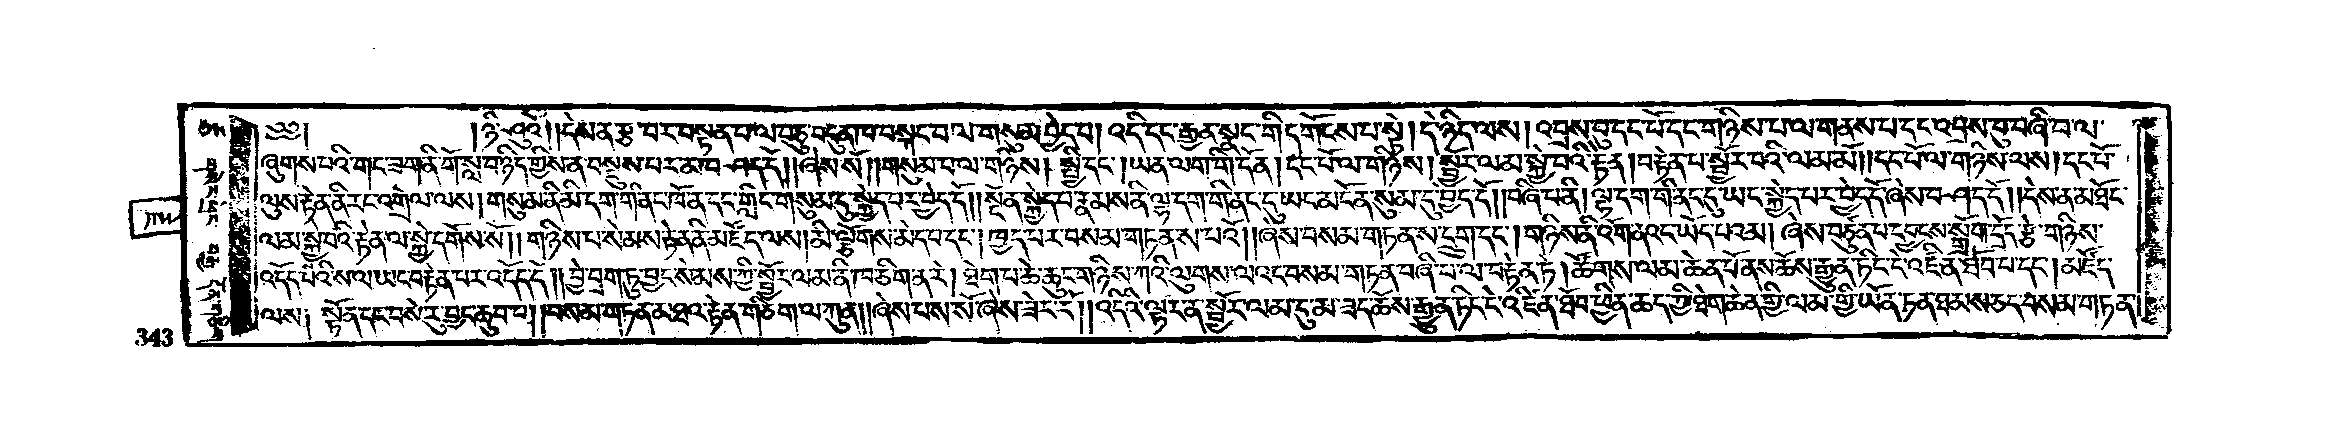༄༅། །ཉི་ཤུའོ། །དེས་ན་རྩ་བར་བསྟན་པ་ལ་བཅུ་བདུན་ཁ་བསྐང་བ་ལ་གསུམ་བྱེད་པ། འདི་དང་རྒྱན་སྣང་གི་དགོངས་པ་སྟེ། དེ་ཉིད་ལས། འབྲས་བུ་དང་པོ་དང་གཉིས་པ་ལ་གནས་པ་དང་འབྲས་བུ་བཞི་པ་ལ་
ཞུགས་པའི་གང་ཟག་ནི་གོ་སླ་བ་ཉིད་ཀྱིས་ན་བསྡུས་པར་མ་བཤད་དོ། །ཞེས་སོ། །གསུམ་པ་ལ་གཉིས། སྤྱི་དང་། ཡན་ལག་གི་དོན། དང་པོ་ལ་གཉིས། སྦྱོར་ལམ་སྐྱེ་བའི་རྟེན། བརྟེན་པ་སྦྱོར་བའི་ལམ་མོ། །དང་པོ་ལ་གཉིས་ལས། དང་པོ་
ལུས་རྟེན་ནི་རང་འགྲེལ་ལས། གསུམ་ནི་མི་དག་གི་ནང་ཁོ་ན་དང་གླིང་གསུམ་དུ་སྐྱེད་བར་བྱེད་དོ། །སྔོན་སྐྱེད་པ་རྣམས་ནི་ལྷ་དག་གི་ནང་དུ་ཡང་མངོན་སུམ་དུ་བྱེད་དོ། །བཞི་པ་ནི། ལྷ་དག་གི་ནང་དུ་ཡང་སྐྱེད་པར་བྱེད་དོ་ཞེས་བཤད་དོ། །དེས་ན་མཐོང་
ལམ་སྐྱེ་བའི་རྟེན་ལ་སྐྱེ་དགོས་སོ། །གཉིས་པ་སེམས་རྟེན་ནི་མཛོད་ལས། མི་ལྕོགས་མེད་པ་དང་། ཁྱད་པར་བསམ་གཏན་ས་པའོ། །ཞེས་བསམ་གཏན་ས་དྲུག་དང་། གཉིས་ནི་འོག་ནའང་ཡོད་པའམ། ཞེས་བཙུན་པ་དབྱངས་སྒྲོག་དོད་རྩེ་གཉིས་
འདོད་པའི་ས་ལ་ཡང་བརྟེན་པར་འདོད་དོ། །བྱེ་བྲག་ཏུ་བྱང་སེམས་ཀྱི་སྦྱོར་ལམ་ནི་ཁ་ཅིག་ན་རེ། ཐེག་པ་ཆེ་ཆུང་གཉིས་ཀའི་ལུགས་ལའང་བསམ་གཏན་བཞི་པ་ལ་བརྟེན་ཏེ། ཚོགས་ལམ་ཆེན་པོ་ནས་ཆོས་རྒྱུན་ཏིང་ངེ་འཛིན་ཐོབ་པ་དང་། མཛོད་
ལས། སྟོན་དང་བསེ་རུ་བྱང་ཆུབ་པ། །བསམ་གཏན་མཐའ་རྟེན་གཅིག་ལ་ཀུན། །ཞེས་པས་སོ་ཞེས་ཟེར་རོ། །འདིའི་ལྟར་ན་སྦྱོར་ལམ་དུ་མ་ཟད་ཆོས་རྒྱུན་ཏིང་ངེ་འཛིན་ཐོབ་ཕྱིན་ཆད་ཀྱི་ཐེག་ཆེན་གྱི་ལམ་གྱི་ཡོན་ཏན་ཐམས་ཅད་བསམ་གཏན་